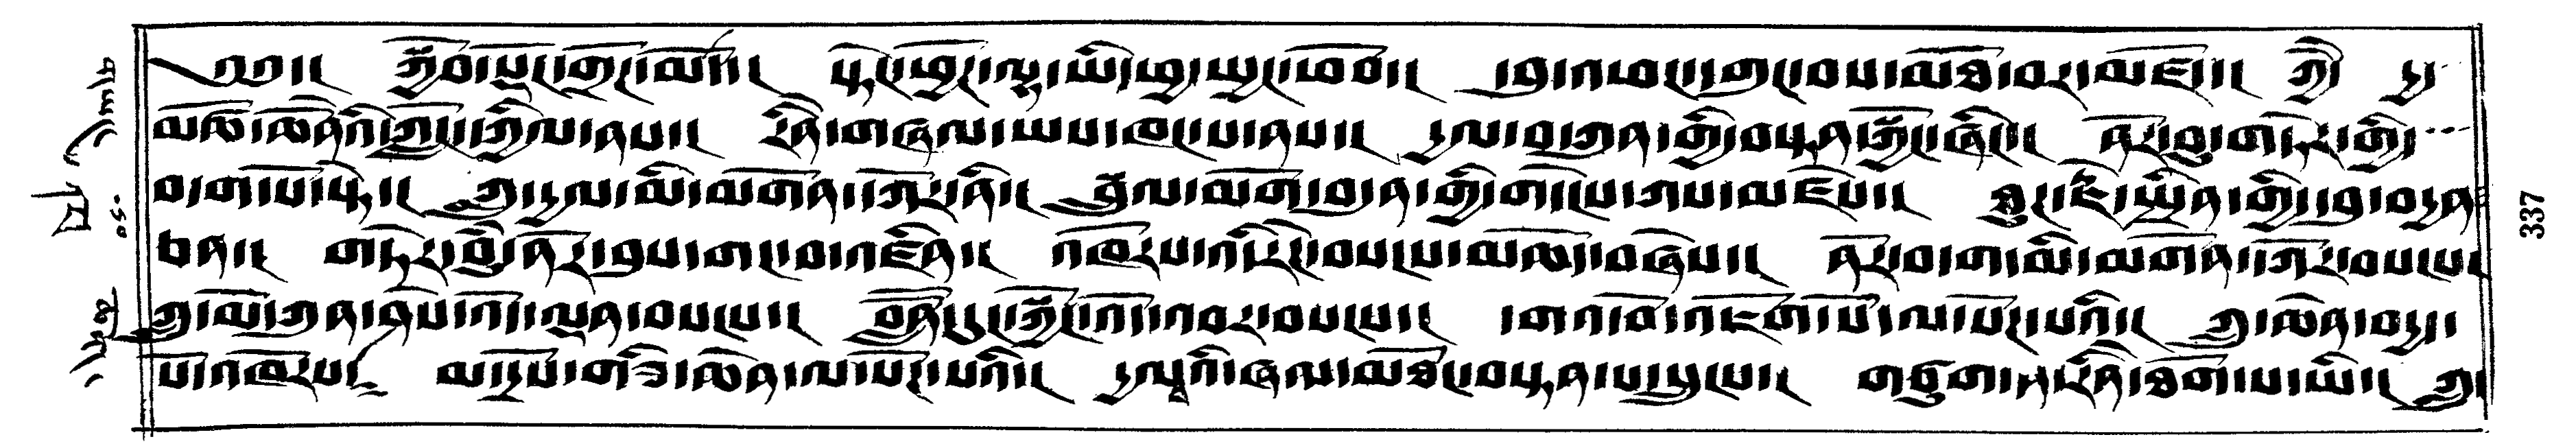སྐྱོབ་སྡོང་གྲོགས་མཛོད། །སྟེང་ཕྱོགས་ལྷ་ཡིད་ཕྱྭ་གཡང་ཕོབ། །དབུ་འཕང་དགུང་བས་མཐོ་བར་མཛོད། ཀྱཻ། རྒྱ་
མཚོ་ཆེན་པོའི་ཀློང་དཀྱིལ་ནས། །རིན་ཆེན་གཞལ་ཡས་ཁང་པ་ནས། །རྒྱལ་བ་ཀུན་ཀྱི་བསྟན་སྐྱོང་ཞིང་། །ནོར་བུ་གཏེར་གྱི་
བདག་པོ་སྟེ། །ཀླུ་རྒྱལ་མི་མགོན་དཀར་པོ་ནི། །སྦྲུལ་མགོ་བདུན་གྱི་གདེངས་ཀས་མཛེས། །ཐུགས་རྗེ་སྤྲིན་གྱི་དབུ་རྒྱན་
ཅན། །གཏེར་བུམ་ནོར་བུས་གང་བ་འཛིན། །འཁོར་བཅས་འདིར་གཤེགས་བསང་མཆོད་བཞེས། །ནོར་བདག་མི་མགོན་དཀར་པོ་བསང་། 
ཀླུ་མོ་ཀུན་ཤེས་འོད་ལྡན་བསང་། །བློན་པོ་དུང་སྐྱོངའོད་འབར་བསང་། །དགའ་བོ་འཇོག་པོ་ལ་སོགས་པའི། །ཀླུ་ཆེན་བརྒྱད་
པོ་འཁོར་བཅས༴ །མ་དྲོས་གཟི་ཆེན་ལ་སོགས་པའི། །རྒྱལ་བའི་ཞལ་མཐོང་བསྟན་པ་སྲུང་། །གཙུག་ན་རིན་ཆེན་ཐོགས་པ་ཡི། །ཀླུ་